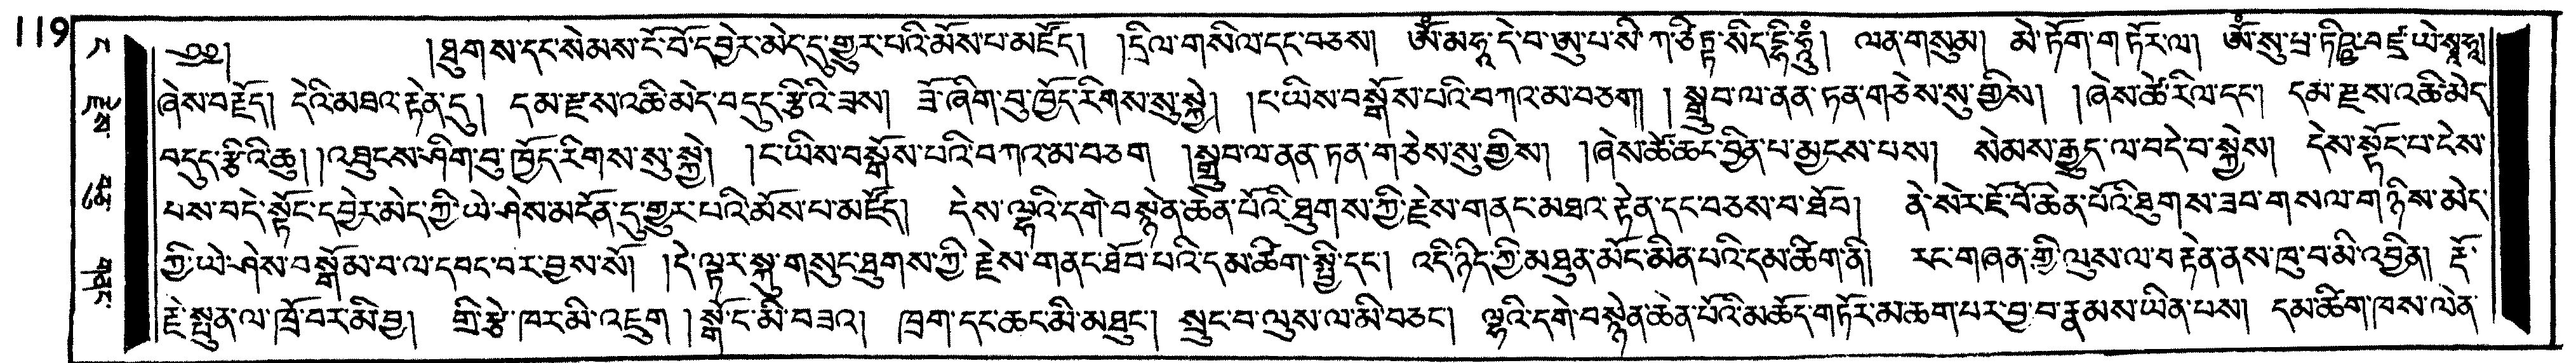༄༅། །ཐུགས་དང་སེམས་ངོ་བོ་དབྱེར་མེད་དུ་གྱུར་པའི་མོས་པ་མཛོད། །དྲིལ་གསིལ་དང་བཅས། ཨོཾ་མཧཱ་དེ་བ་ཨུ་པ་སི་ཀ་ཙིཏྟ་སིད་དྷི་ཧཱུཾ། ལན་གསུམ། མེ་ཏོག་གཏོར་ལ། ཨོཾ་སུ་པྲ་ཏི་ཥཊཿཨ་བྫྲ་ཡེ་སྭཱ་ཧཱ།
ཞེས་བརྗོད། དེའི་མཐའ་རྟེན་དུ། དམ་རྫས་འཆི་མེད་བདུད་རྩིའི་ཟས། ཟོ་ཞིག་བུ་ཁྱོད་རིགས་སུ་སྐྱེ། །ང་ཡིས་བསྒོས་པའི་བཀའ་མ་བཅག། །སྒྲུབ་ལ་ནན་ཏན་གཅེས་སུ་གྱིས། །ཞེས་ཚེ་རིལ་དང་། དམ་རྫས་འཆི་མེད་
བདུད་རྩིའི་ཆུ། །འཐུངས་ཤིག་བུ་ཁྱོད་རིགས་སུ་སྐྱེ། །ང་ཡིས་བསྒོས་པའི་བཀའ་མ་བཅག །སྒྲུབ་ལ་ནན་ཏན་གཅེས་སུ་གྱིས། །ཞེས་ཚེ་ཆང་བྱིན་པ་མྱངས་པས། སེམས་རྒྱུད་ལ་བདེ་བ་སྐྱེས། དེས་སྟོང་པ་ངེས་
པས་བདེ་སྟོང་དབྱེར་མེད་ཀྱི་ཡེ་ཤེས་མངོན་དུ་གྱུར་པའི་མོས་པ་མཛོད། དེས་ལྷའི་དགེ་བསྙེན་ཆེན་པོའི་ཐུགས་ཀྱི་རྗེས་གནང་མཐའ་རྟེན་དང་བཅས་པ་ཐོབ། ནེ་སེར་ཇོ་བོ་ཆེན་པོའི་ཐུགས་ཟབ་གསལ་གཉིས་མེད་
ཀྱི་ཡེ་ཤེས་བསྒོམ་པ་ལ་དབང་བར་བྱས་སོ། །དེ་ལྟར་སྐུ་གསུང་ཐུགས་ཀྱི་རྗེས་གནང་ཐོབ་པའི་དམ་ཚིག་སྤྱི་དང་། འདི་ཉིད་ཀྱི་མཐུན་མོང་མིན་པའི་དམ་ཚིག་ནི། རང་གཞན་གྱི་ལུས་ལ་བརྟེན་ནས་ཁུ་བ་མི་འབྱིན། རྡོ་
རྗེ་སྤུན་ལ་ཁྲོ་བར་མི་བྱ། གྲི་རྩེ་ཁར་མི་འཇུག །སྒོ་ང་མི་བཟའ། ཁྲག་དང་ཆང་མི་མཐུང་། སྲུང་བ་ལུས་ལ་མི་བཅང་། ལྷའི་དགེ་བསྙེན་ཆེན་པོའི་མཆོད་གཏོར་མ་ཆག་པར་བྱ་བ་རྣམས་ཡིན་པས། དམ་ཚིག་ཁས་ལེན་